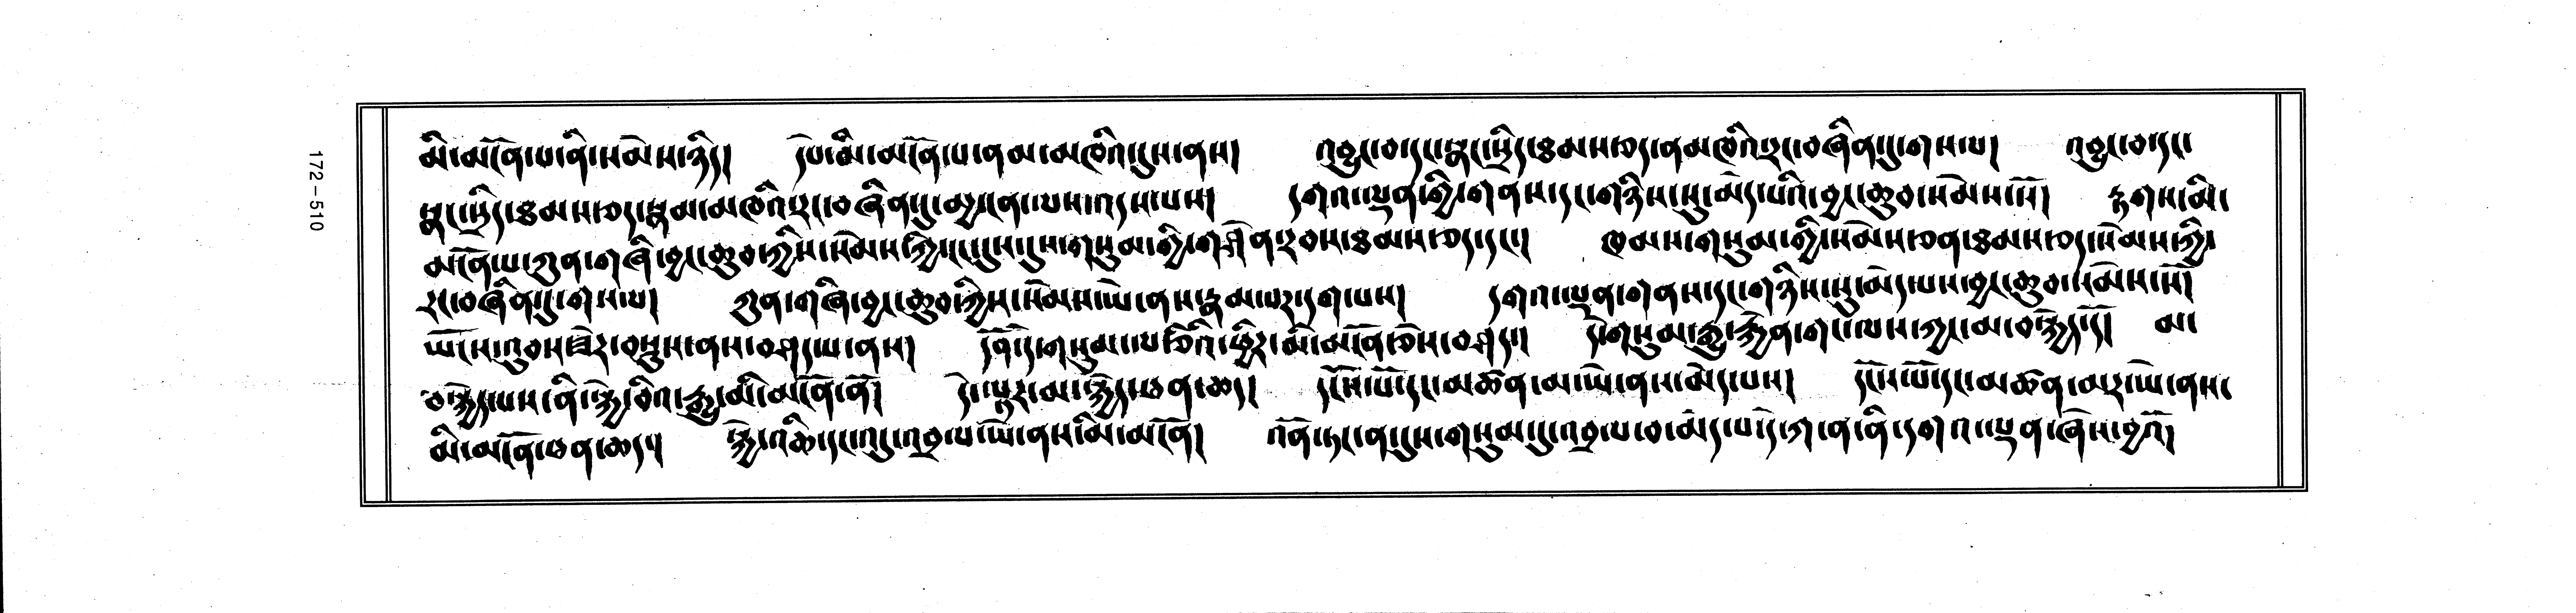མི་མངོན་པ་ནི་སེམས་ཉིད། དཔེ་མི་མངོན་པ་ནམ་མཁའི་དུས་ནས། འབྱུང་བ་དང་སྣང་སྲིད་ཐམས་ཅད་ནམ་མཁའི་རང་བཞིན་དུ་གསལ། འབྱུང་བ་དང་
སྣང་སྲིད་ཐམས་ཅད་ནམ་མཁའི་རང་བཞིན་དུ་མྱ་ངན་ལས་འདས་པས། དགའ་ལྡན་གྱི་གནས་དང་གཉིས་སུ་མེད་པའི་བྱང་ཆུབ་སེམས་སོ། རྟགས་མི་
མངོན་པ་ཀུན་གཞི་བྱང་ཆུབ་ཀྱིས་སེམས་ཀྱི་ངང་དུས་དུས་གསུམ་གྱི་གཤེན་རབ་ཐམས་ཅད་དང་། ཁམས་གསུམ་གྱི་སེམས་ཅན་ཐམས་ཅད་སེམས་ཀྱི་
རང་བཞིན་དུ་གསལ། ཀུན་གཞི་བྱང་ཆུབ་ཀྱིས་སེམས་ཡེ་ནས་རྣམ་པར་དག་པས། དགའ་ལྡན་གནས་དང་གཉིས་སུ་མེད་པས་བྱང་ཆུབ་སེམས་སོ། 
ཡོངས་འུབས་ཟེར་བསྡུས་ནས་བཤད་པ་ནས། དོན་དེ་གསུམ་ལ་ཅིའི་ཕྱིར་མི་མངོན་ཅེས་བཤད། དེ་གསུམ་རྒྱུ་རྐྱེན་གང་ལས་ཀྱང་མ་བསྐྱོད་དོ། མ་
བསྐྱེད་པས་ནི་སྐྱེ་བའི་རྒྱུ་མི་མངོན་ནོ། དེ་ལྟར་མ་སྐྱེད་ཕན་ཆད། དངོས་པོ་དང་མཚན་མ་ཡེ་ནས་མེད་པས། དངོས་པོ་དང་མཚན་མར་ཡེ་ནས་
མི་མངོན་ཕན་ཆད། སྐྱེ་འཆི་དང་འདུ་འབྲལ་ཡེ་ནས་མི་མངོན། འོན་ཏང་ན་དུས་གསུམ་དུ་འབྲལ་བ་མེད་པ་དེ་ཀ་ན་ནི་དགའ་ལྡན་ཞེས་བྱའོ།